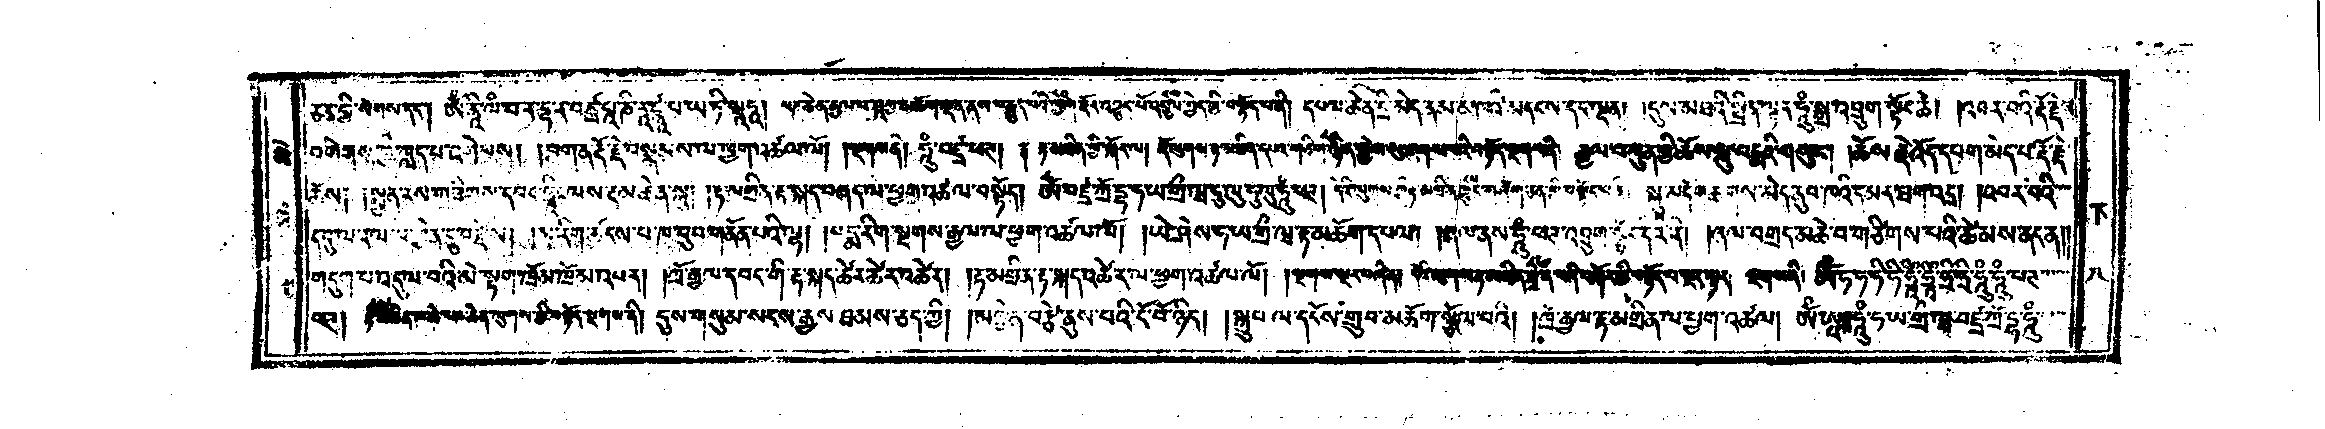ཅན་གྱི་སོགས་དང་། ཨོཾ་ནཱི་ལཾ་བ་ར་དྷ་ར་བཛྲ་པཱ་ཎི་རཱ་ཛྙཱ་པ་ཡ་ཏི་སྭཱཧཱ། པཎ་ཆེན་རྒྱལ་བ་ཤཱཀྱ་མཆོག་ལྡན་ནས་བརྒྱུད་པའི་ཕྱག ༨༢་རྡོར་འབྱུང་པོ་འདུལ་བྱེད་ཀྱི་བསྟོད་པ་ནི། དཔལ་ཆེན་དྲི་མེད་ནམ་མཁའི་མདངས་དང་ལྡན། །དུས་མཐའི་སྤྲིན་ལྟར་ཧཱུཾ་སྒྲ་འབྲུག་སྟོང་ཆེ། །འབར་བའི་རྡོ་རྗེས་
བགེགས་ཀྱི་ཀླད་པ་འགེམས། །ཕྱག་ན་རྡོ་རྗེ་བསྣམས་ལ་ཕྱག་འཚལ་ལོ། །སྔགས་ནི།  ཧཱུཾ་བཛྲ་ཕཊ། ༈ རྟ་མགྲིན་གྱི་སྐོར་ལ། ཇོ་ལུགས་རྟ་མགྲིན་དཔའ་གཅིག་ལྷན ༨༤་སྐྱེས་སུ་གྲགས་པའི་བསྟོད་སྔགས་ནི། རྒྱལ་བ་ཀུན་གྱི་ཆོས་སྐུ་པདམའི་གསུང་། །ཆོས་རྗེ་འོད་དཔག་མེད་པ་རྡོ་རྗེ་
ཆོས༑ ༑སྤྱན་རས་གཟིགས་དབང་ཧྲཱིཿལས་རྔམ་ཆེན་སྐུ། །རྟ་མགྲིན་རྟ་སྐད་བཞད་ལ་ཕྱག་འཚལ་བསྟོད། ཨོཾ་བཛྲ་ཀྲོ་དྷ་ཧ་ཡ་གྲྀ་ཝ་ཧུ་ལུ་ཧུ་ལུ་ཧཱུཾ་ཕཊ། དེའི་ལུགས་ཀྱི་རྟ་མགྲིན་ཁྱུང ༨༥་གཤོག་ཅན་གྱི་བསྟོད་པ་ནི། སྐུ་མདོག་ཆགས་མེད་ནུབ་ཁའི་དམར་ཐག་འདྲ། །འབར་བའི་
དབུ་ལ་རལ་པ་གྱེན་དུ་བརྫེས། །མ་རིག་ཚངས་པ་ཁ་བུབ་གནོན་པའི་ལྷ། །པདམ་རིག་སྔགས་རྒྱལ་ལ་ཕྱག་འཚལ་ལོ། །ཡེ་ཤེས་ཧ་ཡ་གྲྀ་ཝ་རྟ་མཆོག་དཔལ། །ཞལ་ནས་ཧཱུཾ་ཕཊ་འབྲུག་སྟོང་དི་རི་རི། །ཞལ་བགྲད་མཆེ་བ་གཙིགས་པའི་ཚེམས་ནང་ན།།
གདུག་པ་འདུལ་བའི་མེ་སྟག་ཁྲོམ་ཁྲོམ་འབར། །ཁྲོ་རྒྱལ་དབང་གི་རྟ་སྐད་ཚེར་ཚེར་འཚེར། །རྟ་མགྲིན་རྟ་སྐད་འཚེར་ལ་ཕྱག་འཚལ་ལོ། །སྔགས་སྔར་བཞིན། དེའི་ལུགས་རྟ་མགྲིན་ཤྭ ༨༦་ན་བཞི་བསྐོར་གྱི་བསྟོད་པ་སྔར་ལྟར། སྔགས་ནི། ཨོཾ་ཧ་ཧ་ཧི་ཧི་ཧྲཱིཾ་ཧྲཱིཾ་ཧྲི་ཧྲི་ཧཱུཾ་ཧཱུཾ་ཕཊ་
ཕཊ༑ རྟ ༨༧་མགྲིན་ཁ་ཆེ་པཎ་ཆེན་ལུགས་ཀྱི་བསྟོད་སྔགས་ནི། དུས་གསུམ་སངས་རྒྱས་ཐམས་ཅད་ཀྱི། །མཁྱེན་བརྩེ་ནུས་པའི་ངོ་བོ་ཉིད། །སྒྲུབ་ལ་དངོས་གྲུབ་མཆོག་སྩོལ་བའི། །ཁྲོ་རྒྱལ་རྟ་མགྲིན་ལ་ཕྱག་འཚལ། ཨོཾ་ཨཱཿཧཱུཾ་ཧ་ཡ་གྲྀ་ཝ་བཛྲ་ཀྲོ་དྷ་ཧཱུཾ་